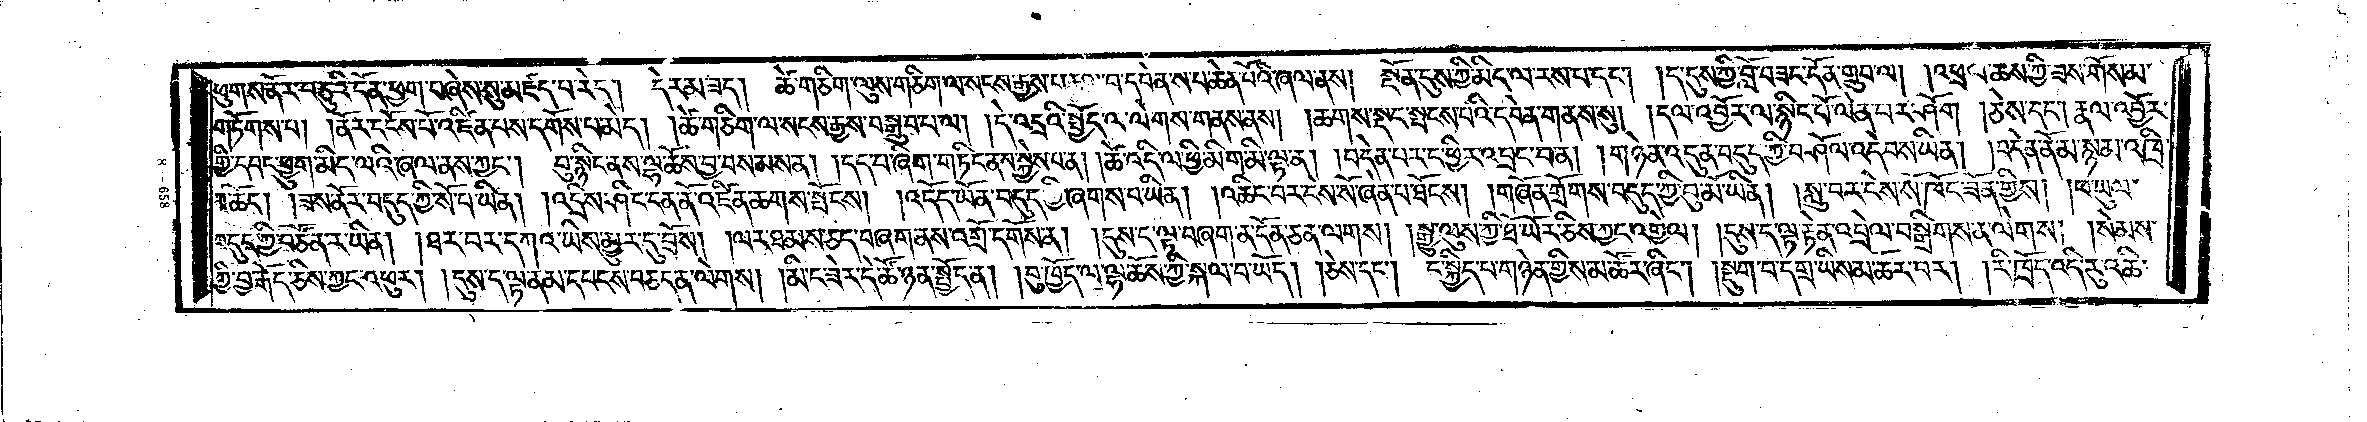ཕུགས་ནོར་བཅུའི་དོན་ཕྱག་བཞེས་སུ་མཛད་པ་རེད། དེར་མ་ཟད། ཚེ་གཅིག་ལུས་གཅིག་ལ་སངས་རྒྱས་པ་རྒྱལ་བ་དབེན་ས་པ་ཆེན་པོའི་ཞལ་ནས། སྔོན་དུས་ཀྱི་མིད་ལ་རས་པ་དང་། །ད་དུས་ཀྱི་བློ་བཟང་དོན་གྲུབ་ལ། །འཕྲལ་ཆས་ཀྱི་ཟས་གོས་མ་
གཏོགས་པ། །ནོར་དངོས་པོ་འཛིན་པས་དགོས་པ་མེད། །ཚེ་གཅིག་ལ་སངས་རྒྱས་བསྒྲུབ་པ་ལ། །དེ་འདྲའི་སྤྱོད་ལ་ལེགས་གནས་ནས། །ཆགས་སྡང་སྤངས་པའི་དབེན་གནས་སུ། །དལ་འབྱོར་ལ་སྙིང་པོ་ལེན་པར་ཤོག །ཅེས་དང་། རྣལ་འབྱོར་
གྱི་དབང་ཕྱུག་མིད་ལའི་ཞལ་ནས་ཀྱང་། བུ་སྙིང་ནས་ལྷ་ཆོས་བྱ་བསམས་ན། །དད་པ་ཞིག་གཏིང་ནས་སྐྱེས་པ་ན། །ཚེ་འདི་ལ་ཕྱི་མིག་མི་ལྟ་ན། །བདེན་པར་ང་ཕྱིར་འབྲང་བ་ན། །གཉེན་འདུན་བདུད་ཀྱི་བཤོལ་འདེབས་ཡིན། །བདེན་ནོ་མ་སྙམ་འཁྲི་
བ་ཆོད། །ཟས་ནོར་བདུད་ཀྱི་སོ་པ་ཡིན། །འདྲིས་ཤིང་ངན་ནོ་འཛིན་ཆགས་སྤོངས། །འདོད་ཡོན་བདུད་ཀྱི་ཞགས་པ་ཡིན། །འཆིང་བར་ངེས་སོ་ཞེན་པ་ཐོངས། །གཞོན་གྲོགས་བདུད་ཀྱི་བུ་མོ་ཡིན། །སླུ་བར་ངེས་སོ་ཁོང་ཟོན་གྱིས། །ཕ་ཡུལ་
བདུད་ཀྱི་བཙོན་ར་ཡིན། །ཐར་བར་དཀའ་ཡིས་མྱུར་དུ་བྲོས། །ལར་ཐམས་ཅད་བཞག་ནས་འགྲོ་དགོས་ན། །དུས་ད་ལྟ་བཞག་ན་དོན་ཅན་ལགས། །སྒྱུ་ལུས་ཀྱི་ཐོ་ཡོར་ཅིས་ཀྱང་འགྱེལ། །དུས་ད་ལྟ་རྟེན་འབྲེལ་བསྒྲིགས་ན་ལེགས། །སེམས་
ཀྱི་བྱ་རྒོད་ཅིས་ཀྱང་འཕུར། །དུས་ད་ལྟ་ནམ་དཔངས་བཅད་ན་ལེགས། །མི་ང་ཟེར་དེ་ཚོ་ཉན་སྤྱོད་ན། །བུ་ཁྱོད་ལ་ལྷ་ཆོས་ཀྱི་སྐལ་བ་ཡོད། །ཅེས་དང་། ང་སྐྱིད་པ་གཉེན་གྱིས་མཚོར་ཞིང་། །སྡུག་པ་དགྲ་ཡིས་མ་ཚོར་བར། །རི་ཁྲོད་འདི་རུ་འཆི་